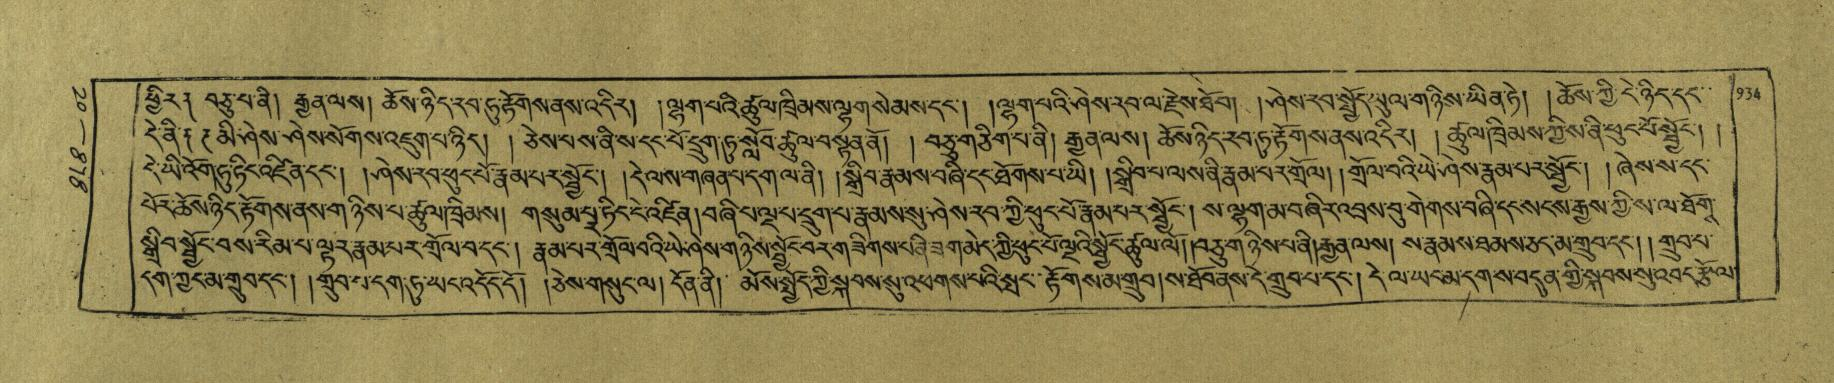ཕྱིར༑ བཅུ་པ་ནི། རྒྱན་ལས། ཆོས་ཉིད་རབ་ཏུ་རྟོགས་ནས་འདིར། །ལྷག་པའི་ཚུལ་ཁྲིམས་ལྷག་སེམས་དང་། །ལྷག་པའི་ཤེས་རབ་ལ་རྗེས་ཐོབ། །ཤེས་རབ་སྤྱོད་ཡུལ་གཉིས་ཡིན་ཏེ། །ཆོས་ཀྱི་དེ་ཉིད་དང་
དེ་ནི༑ ༑མི་ཤེས་ཤེས་སོགས་འཇུག་པ་ཉིད། །ཅེས་པས་ནི་ས་དང་པོ་དྲུག་ཏུ་སློབ་ཚུལ་བསྟན་ནོ། །བཅུ་གཅིག་པ་ནི། རྒྱན་ལས། ཆོས་ཉིད་རབ་ཏུ་རྟོགས་ནས་འདིར། །ཚུལ་ཁྲིམས་ཀྱིས་ནི་ཕུང་པོ་སྦྱོང་། །
དེ་ཡི་འོག་ཏུ་ཏིང་འཛིན་དང་། །ཤེས་རབ་ཕུང་པོ་རྣམ་པར་སྦྱོང་། །དེ་ལས་གཞན་པ་དག་ལ་ནི། །སྒྲིབ་རྣམས་བཞི་དང་ཐོགས་པ་ཡི། །སྒྲིབ་པ་ལས་ནི་རྣམ་པར་གྲོལ། །གྲོལ་བའི་ཡེ་ཤེས་རྣམ་པར་སྦྱོང་། །ཞེས་ས་དང་
པོར་ཆོས་ཉིད་རྟོགས་ནས་གཉིས་པ་ཚུལ་ཁྲིམས། གསུམ་པར་ཏིང་ངེ་འཛིན། བཞི་པ་ལྔ་པ་དྲུག་པ་རྣམས་སུ་ཤེས་རབ་ཀྱི་ཕུང་པོ་རྣམ་པར་སྦྱོང་། ས་ལྷག་མ་བཞིར་འབྲས་བུ་གེགས་བཞི་དང་སངས་རྒྱས་ཀྱི་ས་ལ་ཐོགས་
སྒྲིབ་སྦྱོང་བས་རིམ་པ་ལྟར་རྣམ་པར་གྲོལ་བ་དང་། རྣམ་པར་གྲོལ་བའི་ཡེ་ཤེས་གཉིས་སྦྱོང་བར་གཟིགས་པ་ནི་ཟག་མེད་ཀྱི་ཕུང་པོ་ལྔའི་སྦྱོང་ཚུལ་ལོ། །བཅུ་གཉིས་པ་ནི། རྒྱན་ལས། ས་རྣམས་ཐམས་ཅད་མ་གྲུབ་དང་། །གྲུབ་པ་
དག་ཀྱང་མ་གྲུབ་དང་། །གྲུབ་པ་དག་ཏུ་ཡང་འདོད་དོ། །ཅེས་གསུང་ལ། དོན་ནི། མོས་སྤྱོད་ཀྱི་སྐབས་སུ་འཕགས་པའི་སྤང་རྟོགས་མ་གྲུབ། ས་ཐོབ་ནས་དེ་གྲུབ་པ་དང་། དེ་ལ་ཡང་མ་དག་ས་བདུན་གྱི་སྐབས་སུ་འབད་རྩོལ་